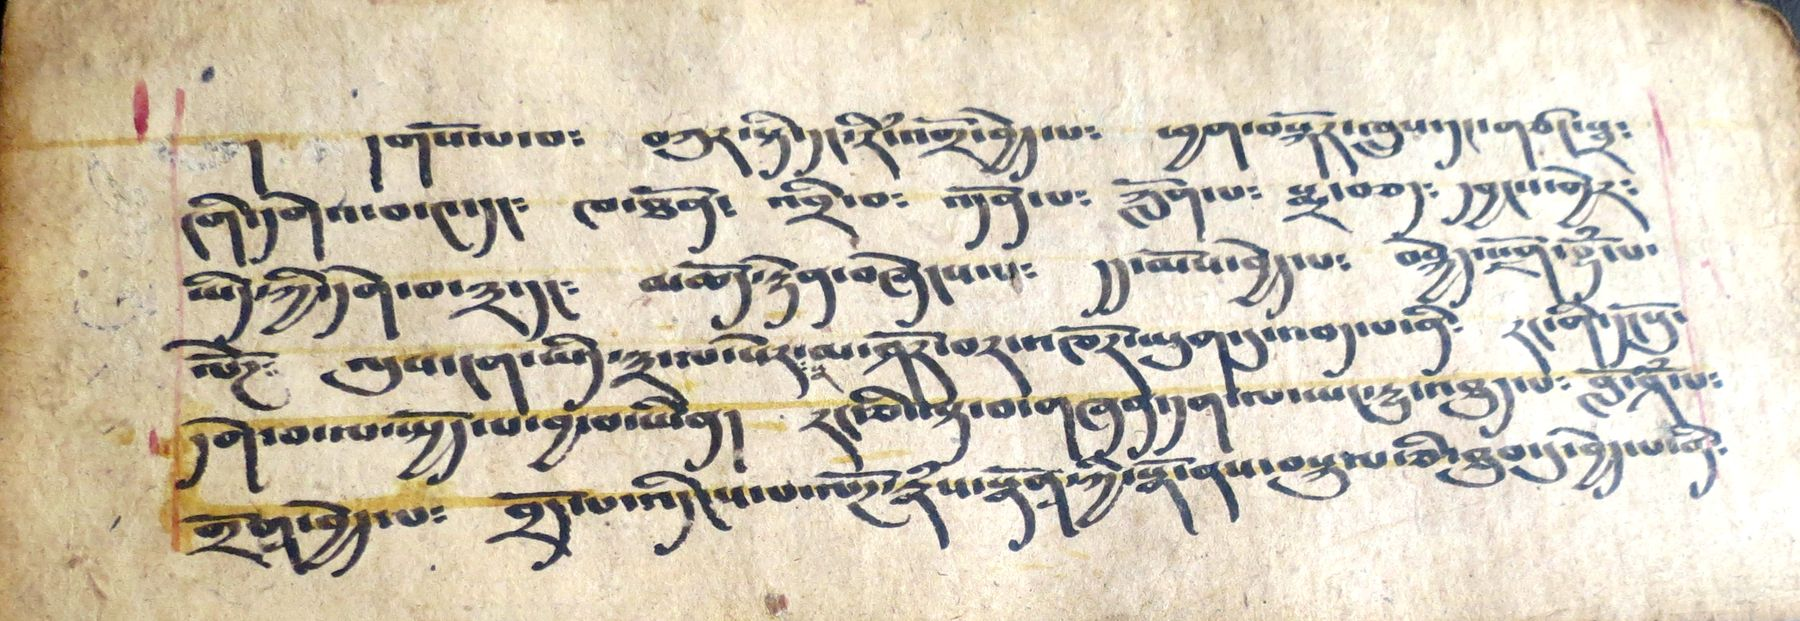གསོལ་བ། བཀུར་སྟི་དང་རིམ་འགྲོ་བྱེད་པ། ཕྱག་སྐོར་ཁྲུས་དང་གཙང་སྦྲ། 
ངག་གི་དགེ་བ་བཞི་དང་ཁ་ཐོན། འབྲི་བ། འདོན་པ། ཀློག་པ། སྨྲ་བཅད་དབྱངས་གྱེར། 
ཡིད་ཀྱི་དགེ་བ་གསུམ་དང་། མཆོད་རྟེན་བཞེངས་པ། དད་མོས་བྱེད་པ། བསྐྱེད་རྫོགས་སྒོམ་པ་ལ་
སོགས་དེ། ལུས་ངག་ཡིད་གསུམ་ལ་སེར་ལ་མ་ཤོར་བར་འཁོར་ཡུག་དུ་འབད་པ་ནི། རང་གིས་དངོས་སུ་
དགེ་བ་ལ་སྤྱོད་པ་བྱ་བ་ཡིན། རང་ཇི་ལྟ་བ་གཞན་ལ་ཡང་། རྒྱུ་མཐུད་པ། ༼བློ་བཤོམ་པ། ༽ 
གྲོགས་བྱེད་པ། བྲོད་པ་འདིངས་པ་ལ་སོགས་རྣམས། སྣ་ཚོགས་ཀྱི་སྒོ་ནས་བསྐུལ་ཅི་ཐུབ་དུ་བྱེད་པ་ནི་